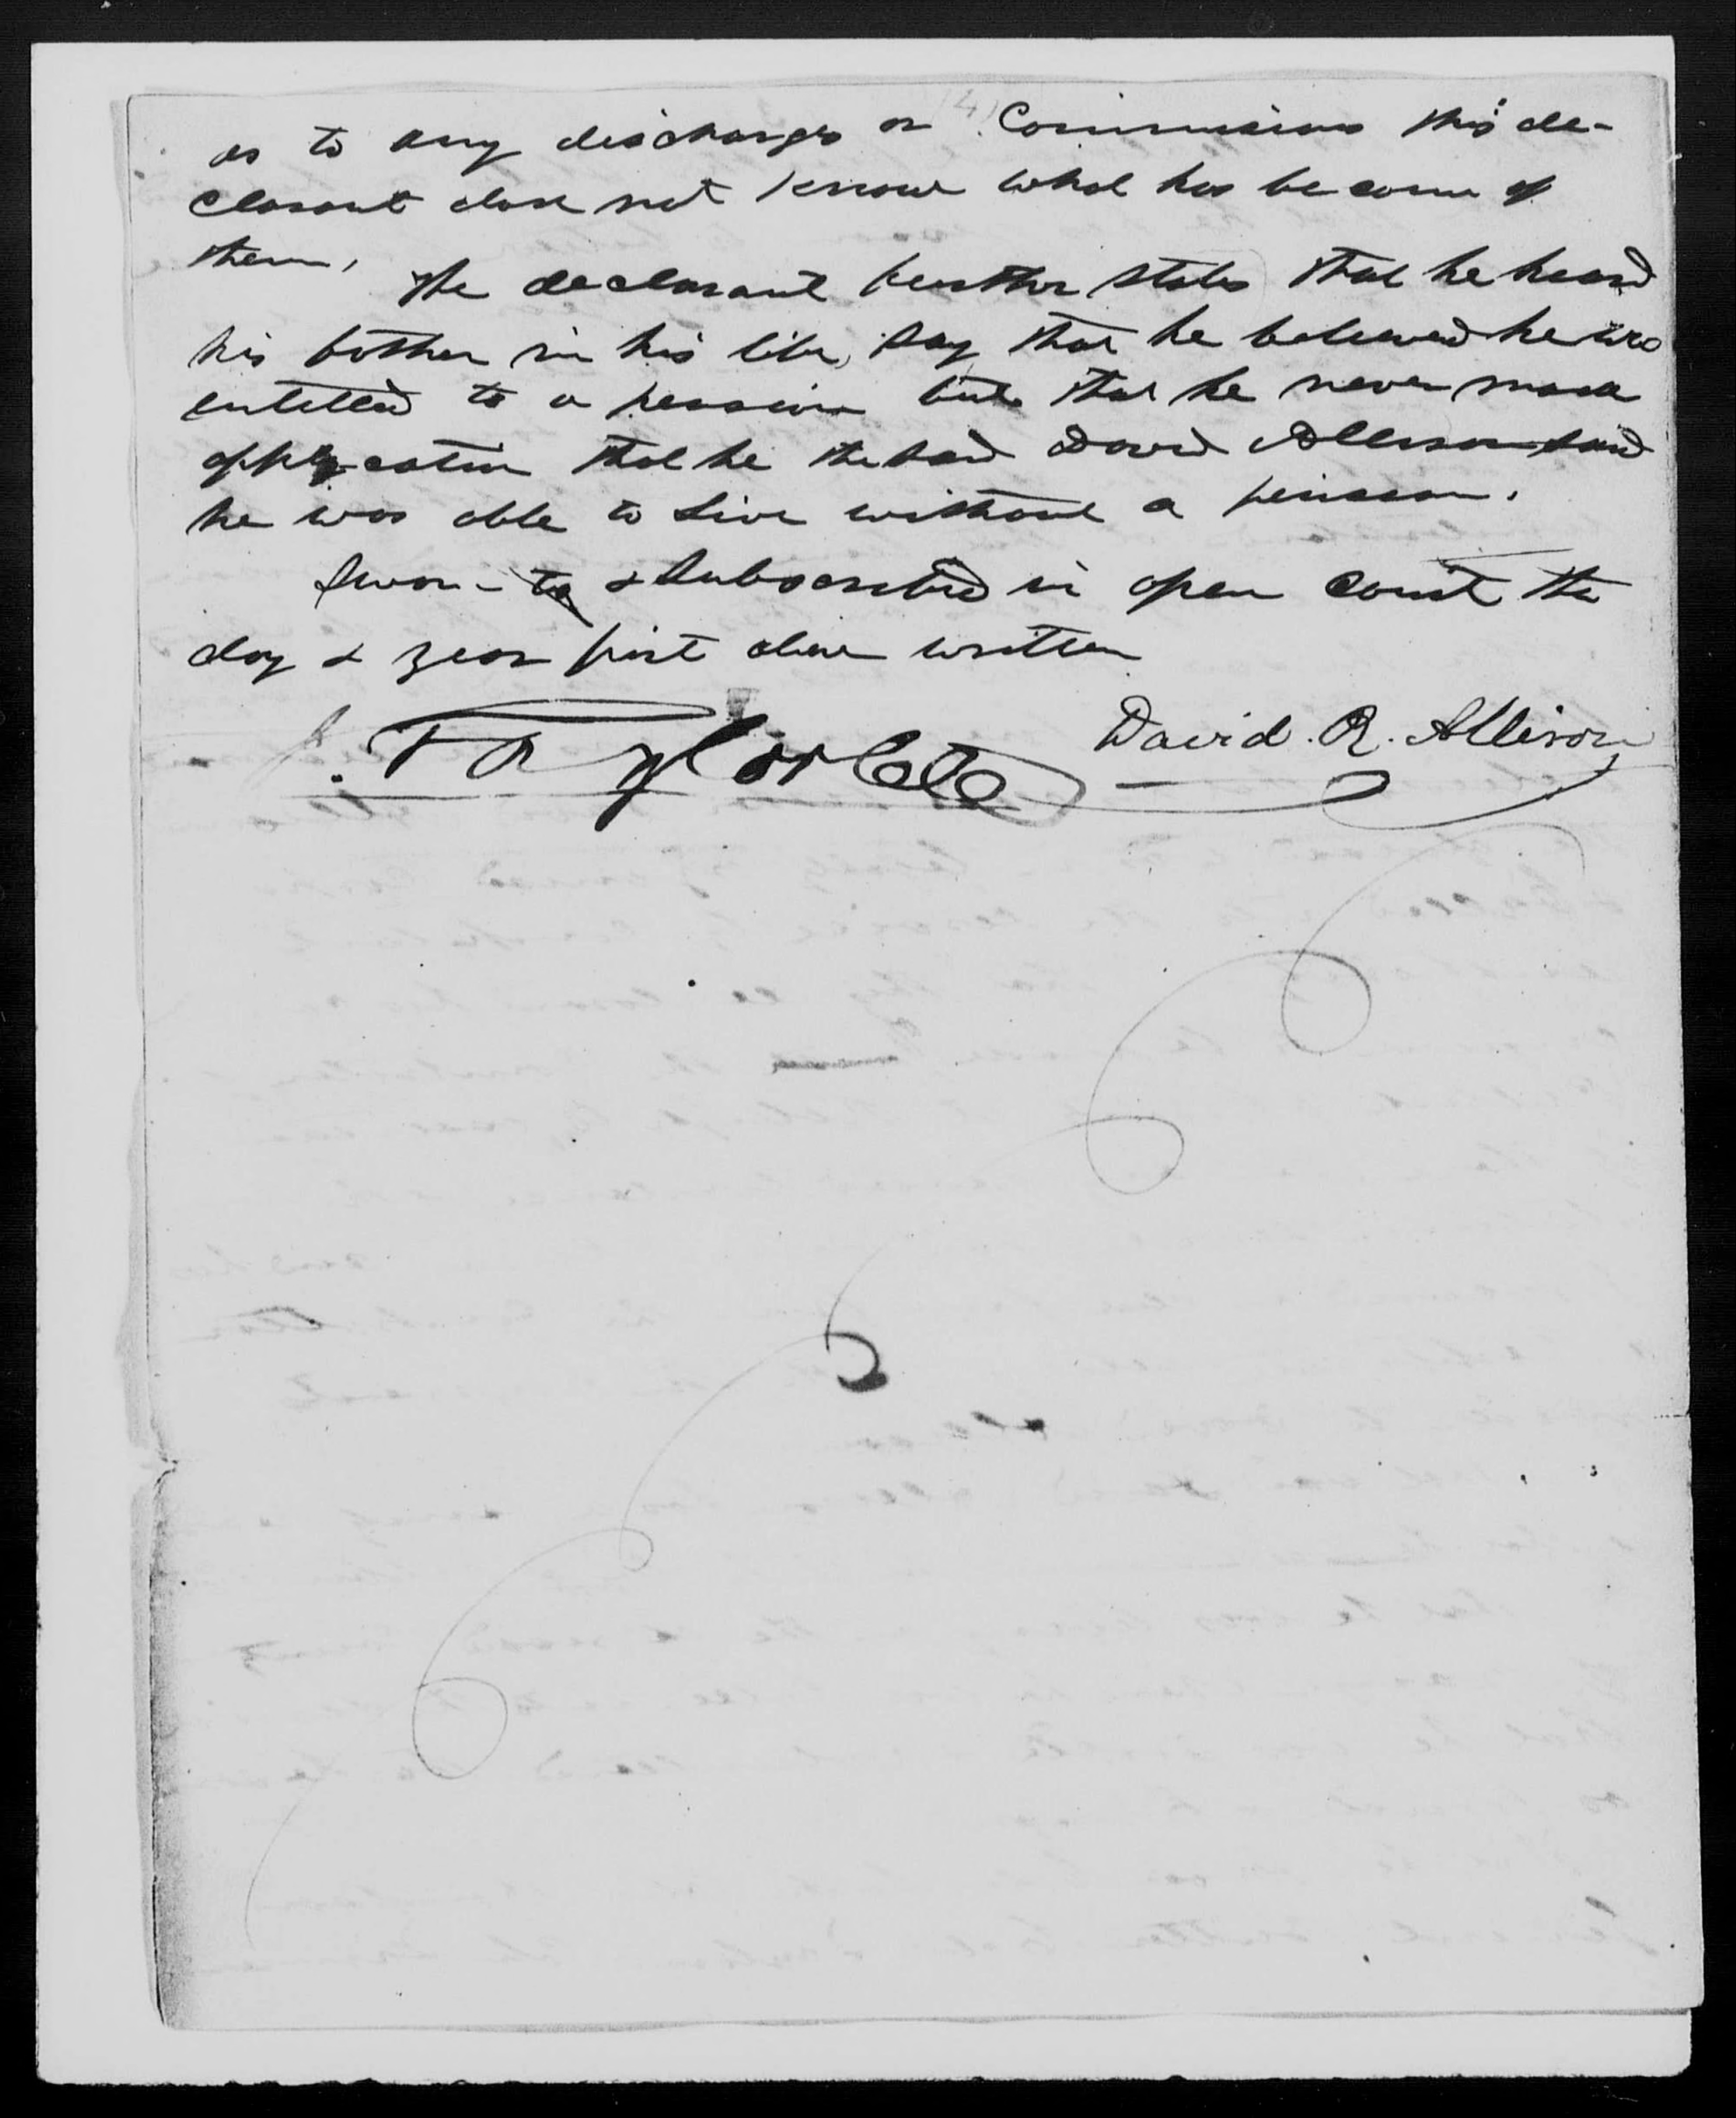as to any discharges or commissions this declarant does not know what became of them.
The declarant further states that he has heard his father, in his [illegible] say that he believed he was entitled to a pension but that he never made application, that the said David Allison said he was able to live without a pension.

Sworn and subscribed in open court the day and year first above written.
David R Allison
Fay Corble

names: David Allison, Fay Corble, David R Allison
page: 5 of 33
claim: rejected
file: R. 155, David Allison, N.C.